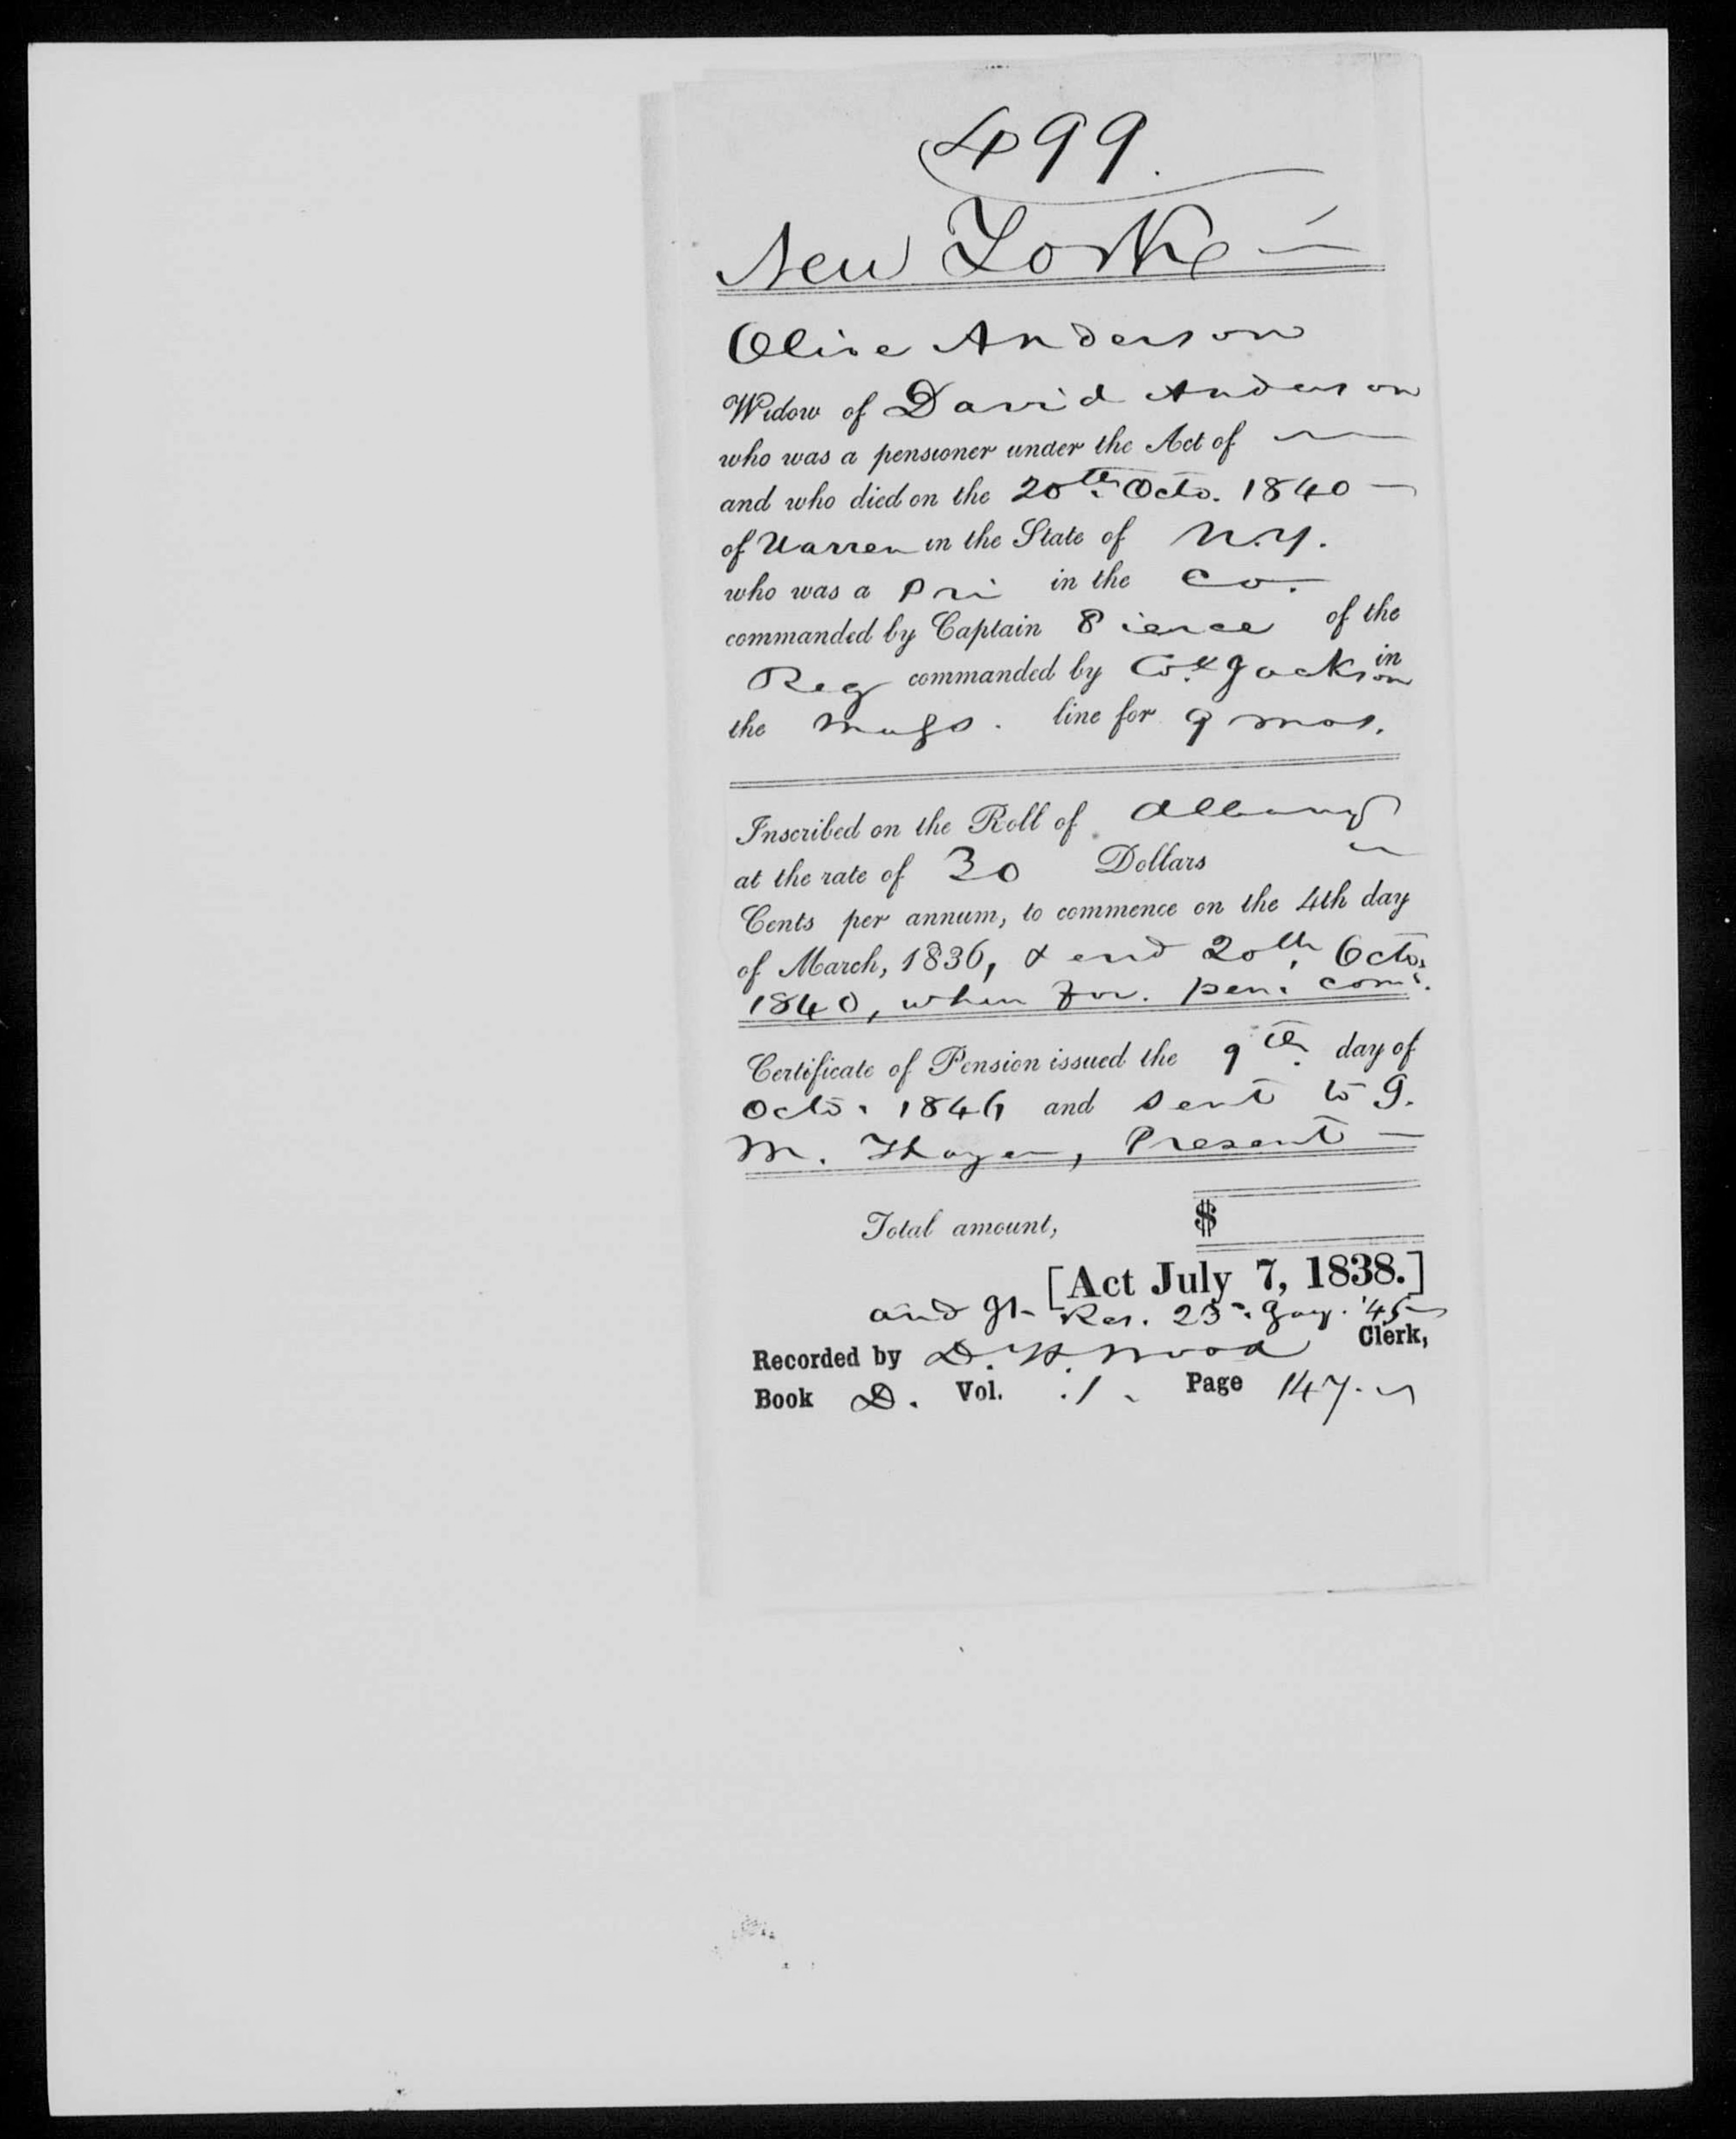499
New York
Olive Anderson
Widow of David Anderson
who was a pensioner under the Act of --
and who died on the 20th Oct. 1840 -
of Warren in the State of N.Y.
who was a pri in the Co
commanded by Captain Piece of the
Reg commanded by Col Jackson in
the mass. line for 9 mos

Inscribed on the Roll of Albany
at the rate of 30 Dollars --
Cents per annum, to commence on the 4th day
of March, 1836 & end 20th Oct.
1840, when for. pen com
Certificate of Pension issued the 9th day of
Oct. 1846 and sent to J. M. Thayer, Present.

Total amount, $
Act July 7, 1838.
and gr. Res. 23 Jay '45
Recorded by D. W. Wood Clerk
Book D. Vol. 1, Page 147.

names: J M Thayer, Jackson, Olive Anderson, David Anderson, D H Wood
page: 24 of 39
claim: widow's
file: W. 20624, David Anderson, Mass